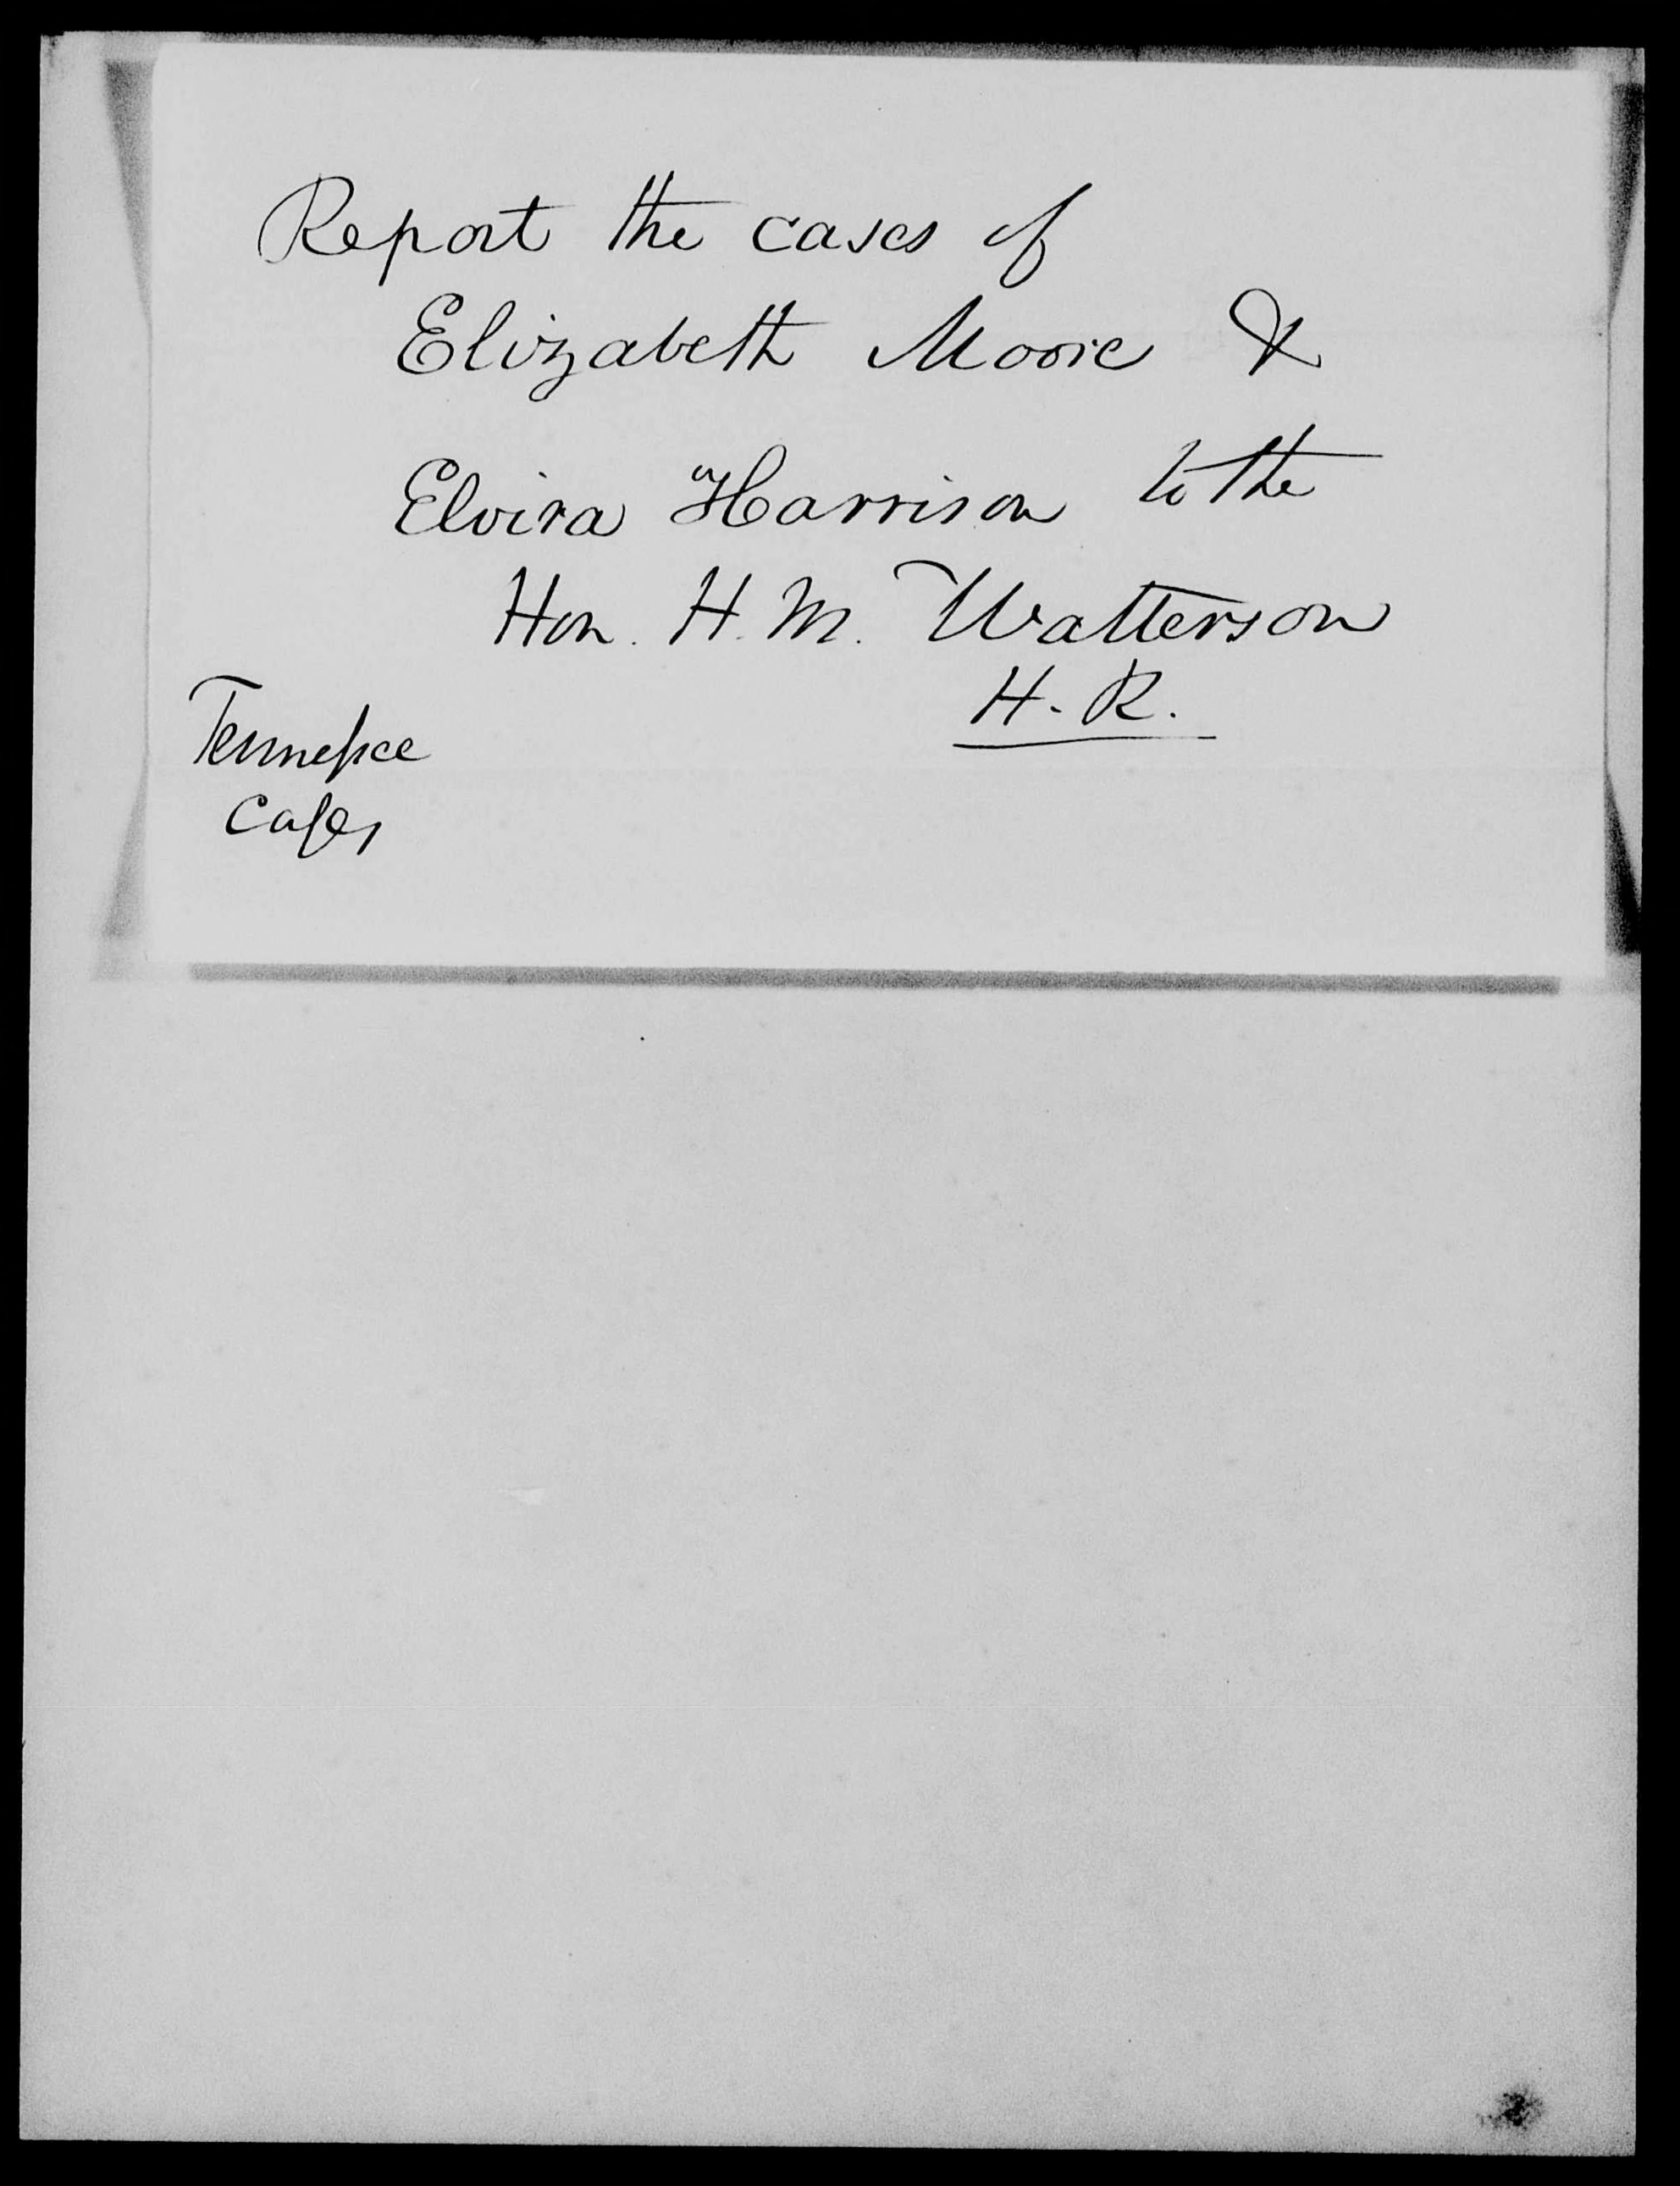Report the cases of Elizabeth Moore & Elvira Harrison to the Hon. H. M. Watterson H. R.

Tennessee cases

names: H M Walterson; Elizabeth Moore; Elvira Harrison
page: 26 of 33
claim: widow's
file: W. 52, for Randolph Moore, North Carolina